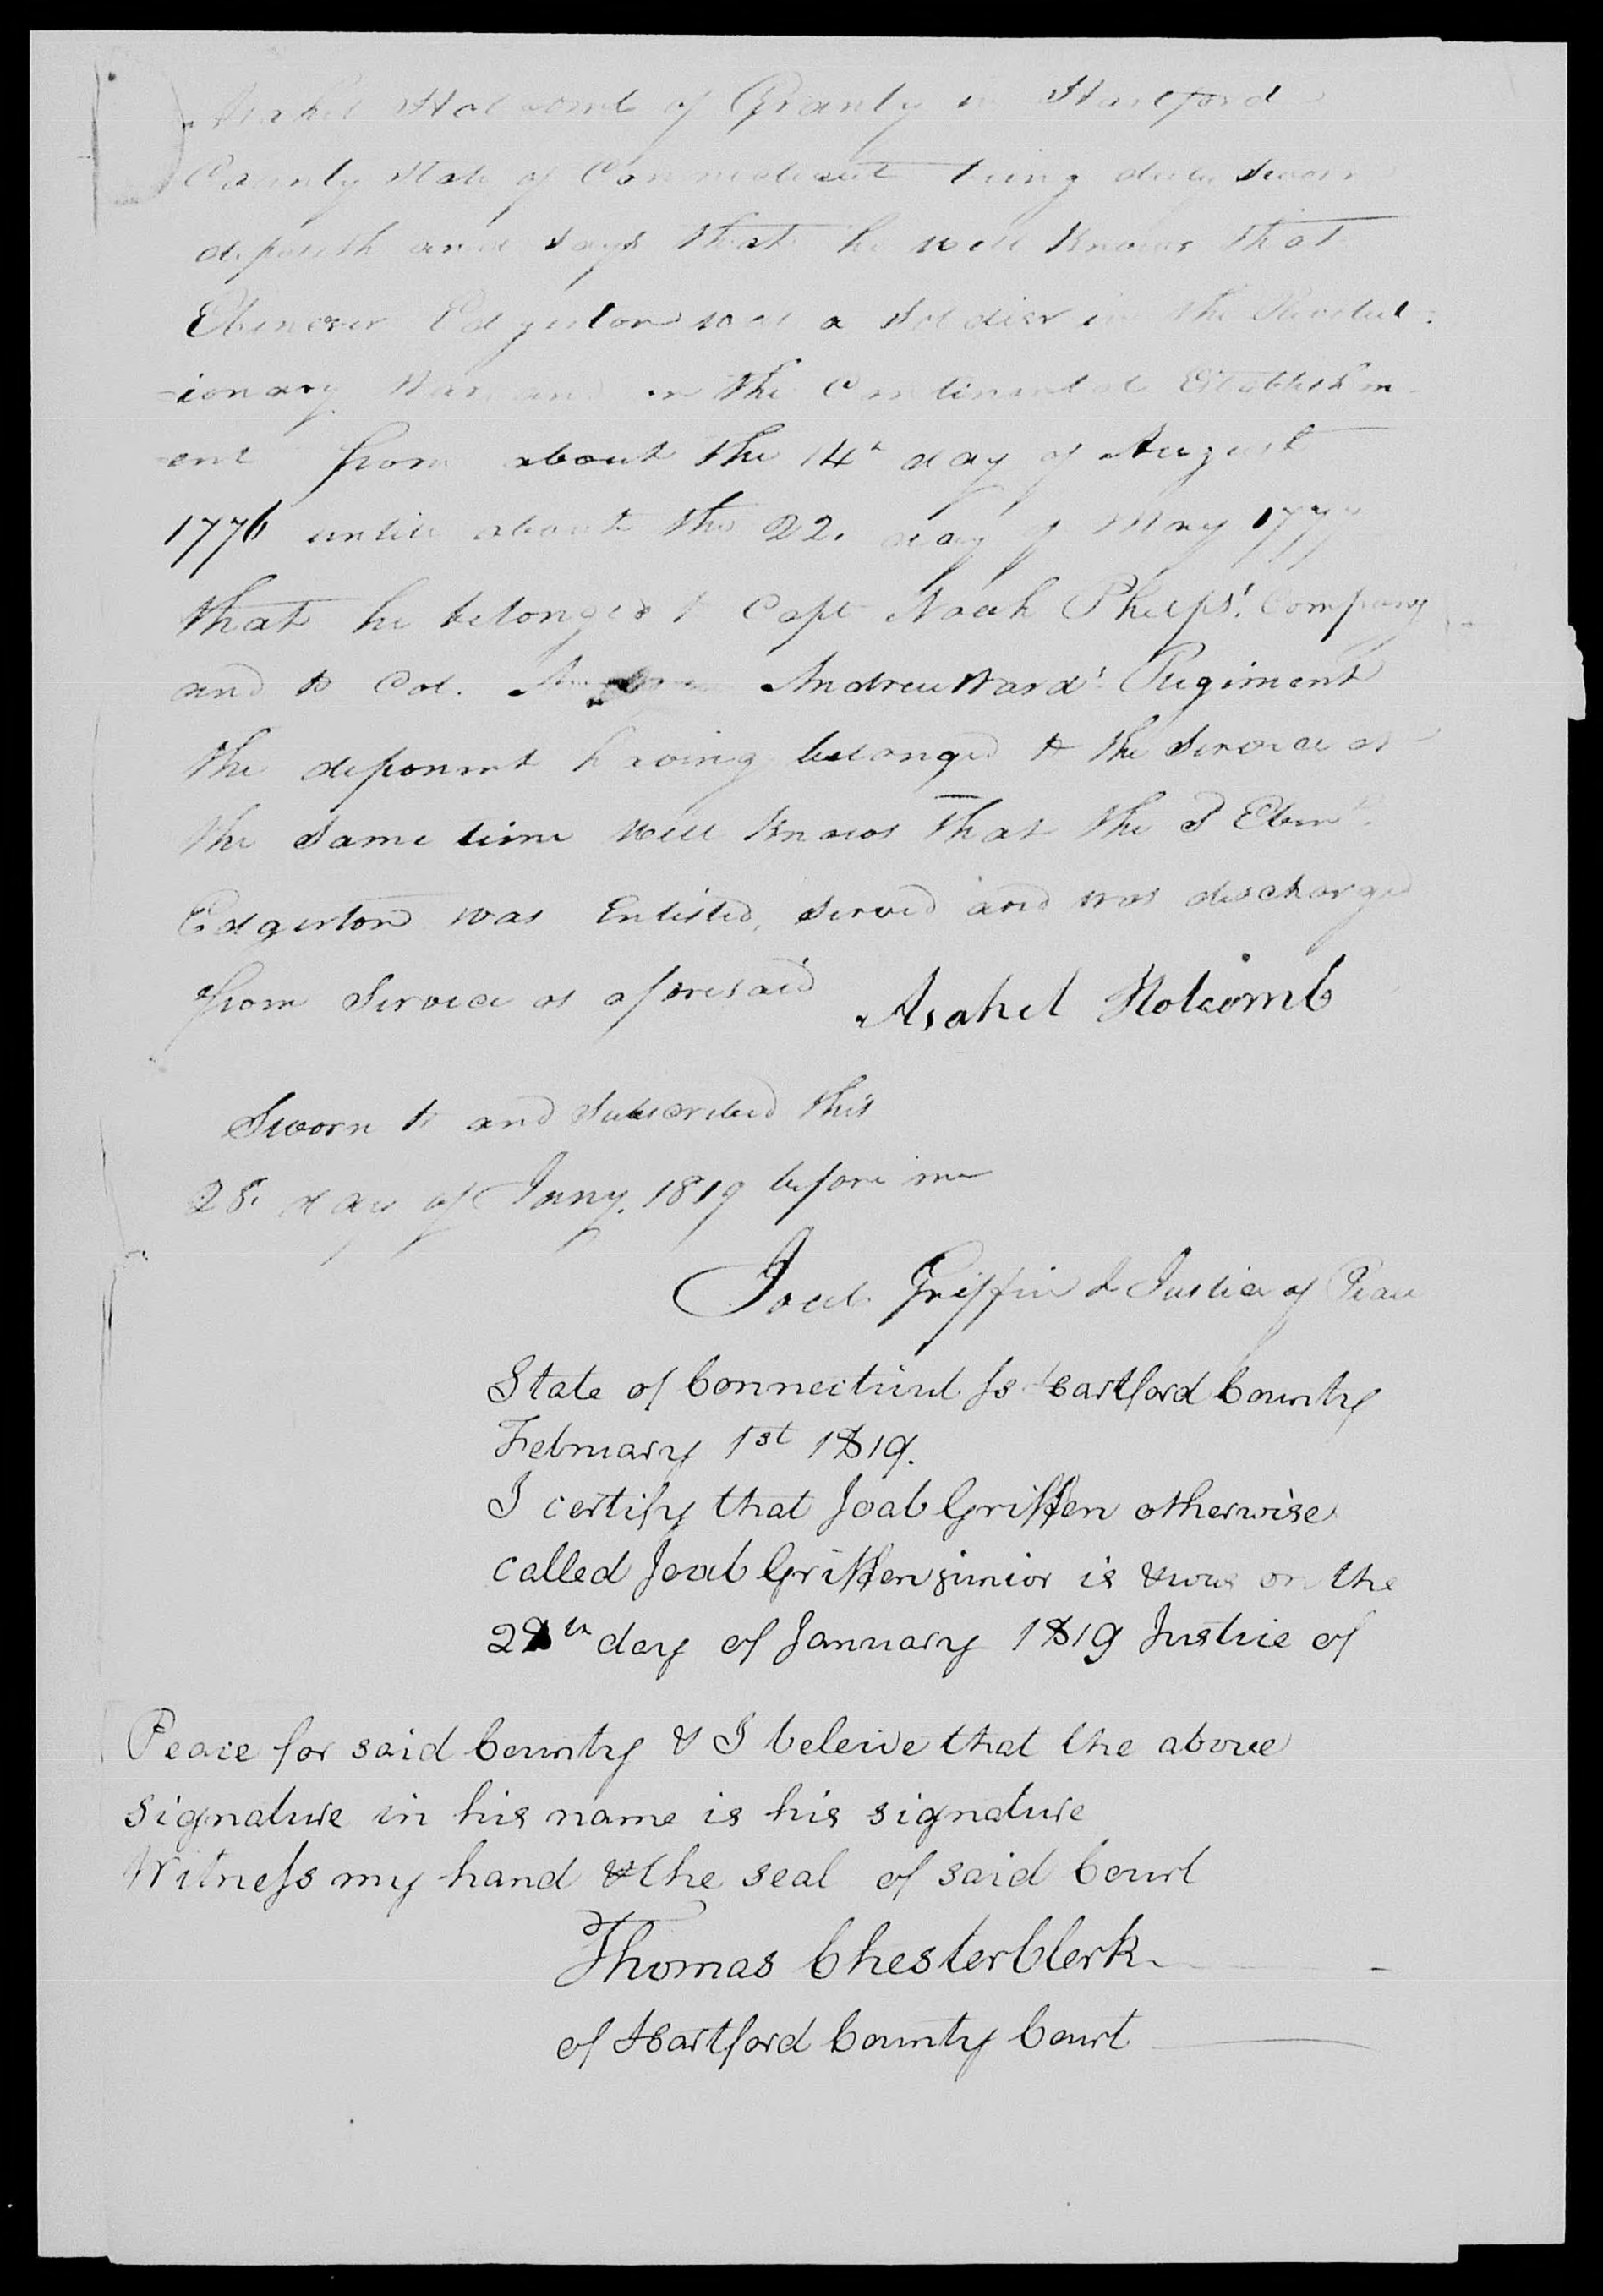Asahel Holcomb of Granby in Hartford County State of Connecticut being duly sworn deposeth and says that he well knows that Ebenezer Edgerton was a Soldier in the Revolutionary War and in the Continental Establishment from about the 14th day of August 1776 untill about the 22. day of May 1777 that he belonged to Capt Noah Phelps' Company and to Col. [Illegible] Andrew Ward' Regiment The deponent having belonged to the Service at the same time well knows that the sd Ebenr Edgerton was Enlisted, Served and was discharged from Service as aforesaid

Asahel Holcomb

Sworn to and Subscribed this
28 day of Jany, 1819 before me

Joab Griffin Jr Justice of Peace

State of Connecticut ss Hartford County
February 1st 1819.
I certify that Joab Griffen otherwise called Joab Griffen junior is & was on the 2[Illegible]th day of January 1819 Justice of 
Peace for said County & I beleive that the above signature in his name is his signature
Witness my hand & the seal of said Court

Thomas Chester  Clerk
of Hartford County Court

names: Ebenezer Edgerton, Thomas Chester, Asahel Holcomb, Jacob Griffin, Joab Griffen, Joab Griffen, Ebenr Edgerton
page: 13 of 18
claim: survivor's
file: S. 37,904, Ebenezer Edgerton, [BLANK]